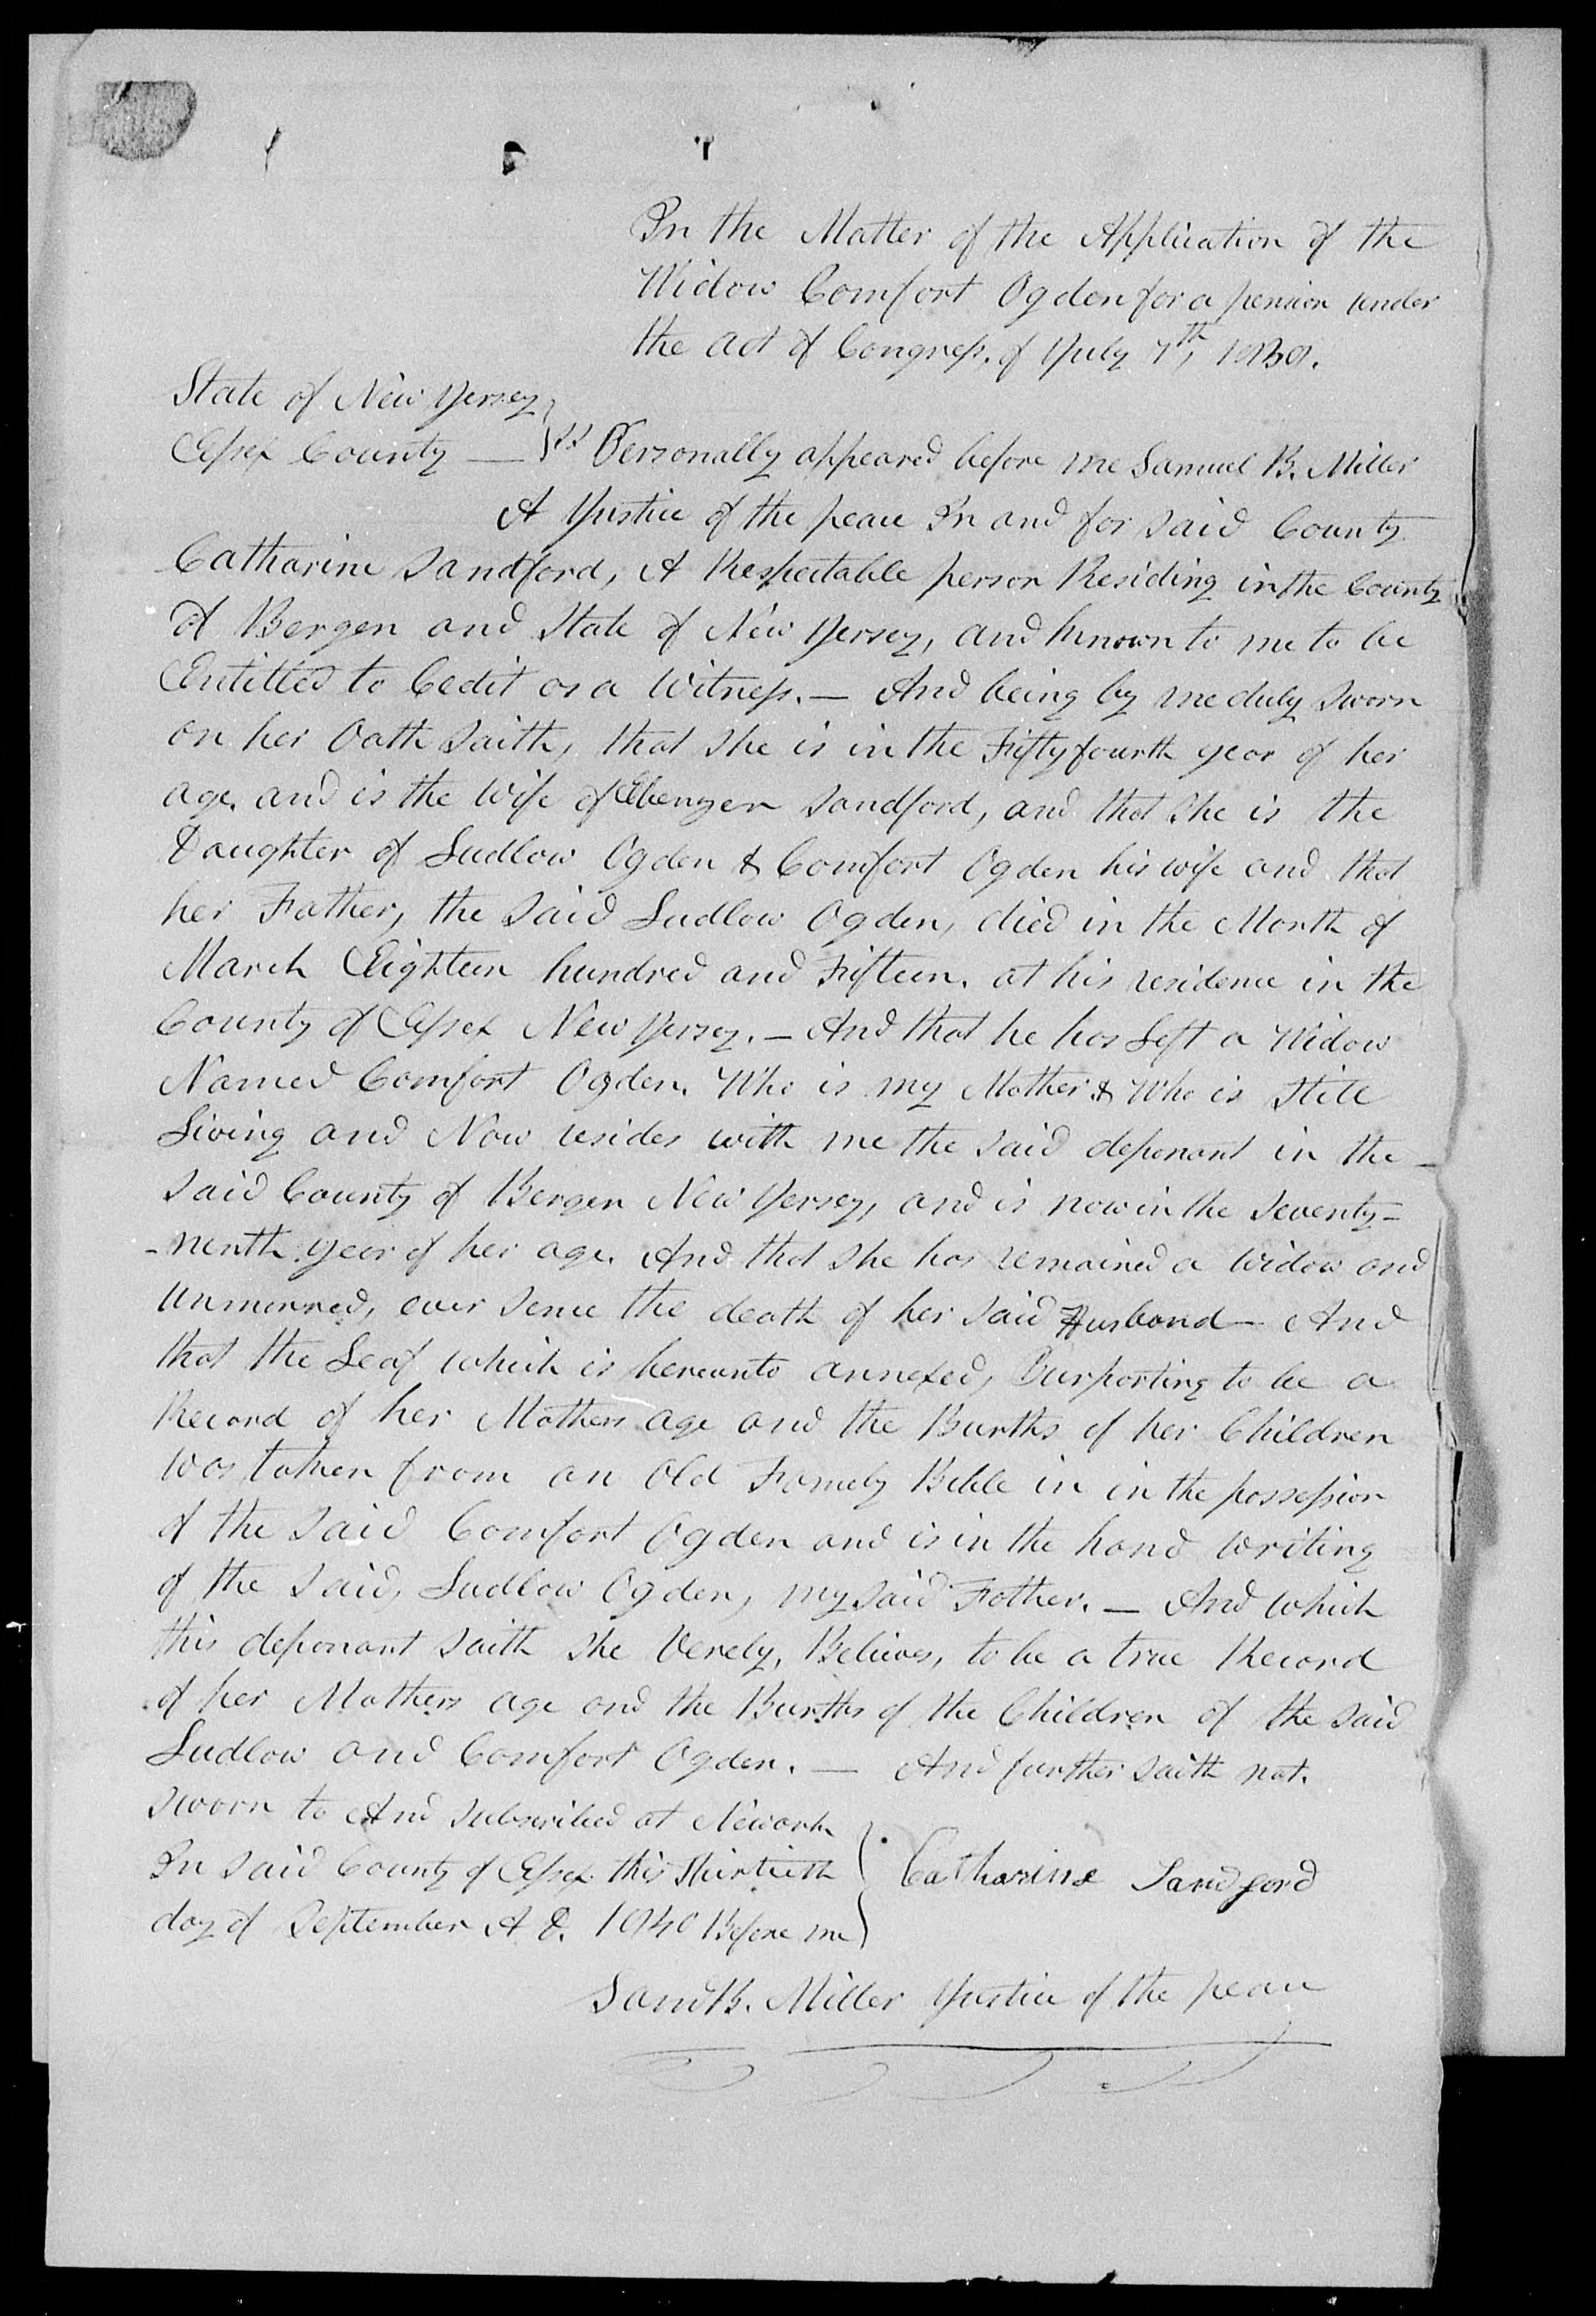In the Matter of the Application of the
Widow Comfort Ogden for a pension under
the Act of Congress of July 7th 1838.

State of New Jersey  )
Essex County            ) ss
  Personally appeared before me Samuel B. Miller A Justice of the peace In and for said County Catharine Sandford, A Respectable person Residing in the County of Bergen and State of New Jersey, and known to me to be Entitled to Credit as a Witness. - And being by me duly sworn on her Oath Saith, that she is in the Fifty fourth year of her age, and is the wife of Ebenezer Sandford, and that she is the Daughter of Ludlow Ogden & Comfort Ogden his wife and that her Father, the Said Ludlow Ogden, died in the Month of March Eighteen hundred and Fifteen, at his residence in the County of Essex New Jersey. - And that he has left a Widow Named Comfort Ogden, Who is my Mother & Who is still Living and Now resides with me the said deponant in the said County of Bergen New Jersey, and is now in the Seventy-ninth year of her age.  And that she has remained a widow and unmarried, ever since the death of her said Husband - And that the Leaf which is hereunto annexed, Purporting to be a Record of her Mothers age and the Burths of her Children was taken from an Old Family Bible in the possession of the Said Comfort Ogden and is in the hand writing of the Said Ludlow Ogden, my said Father. - And which this deponant saith she verely believes, to be a true Record of her Mothers age and the Burths of the Children of the said Ludlow and Comfort Ogden. - And further saith not.
   Catharine Sandford
Sworn to And Subscribed at Newark     )
In said County of Essex this thirtieth      )
day of September A.D. 1840 Before me )
   Sam B. Miller  Justice of the peace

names: Ludlow Ogden; Catharine Sandford; Ebenezer Sandford; Comfort Ogden; Samuel B Miller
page: 12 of 25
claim: widow's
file: W. 187, for Ludlow Ogden, New Jersey